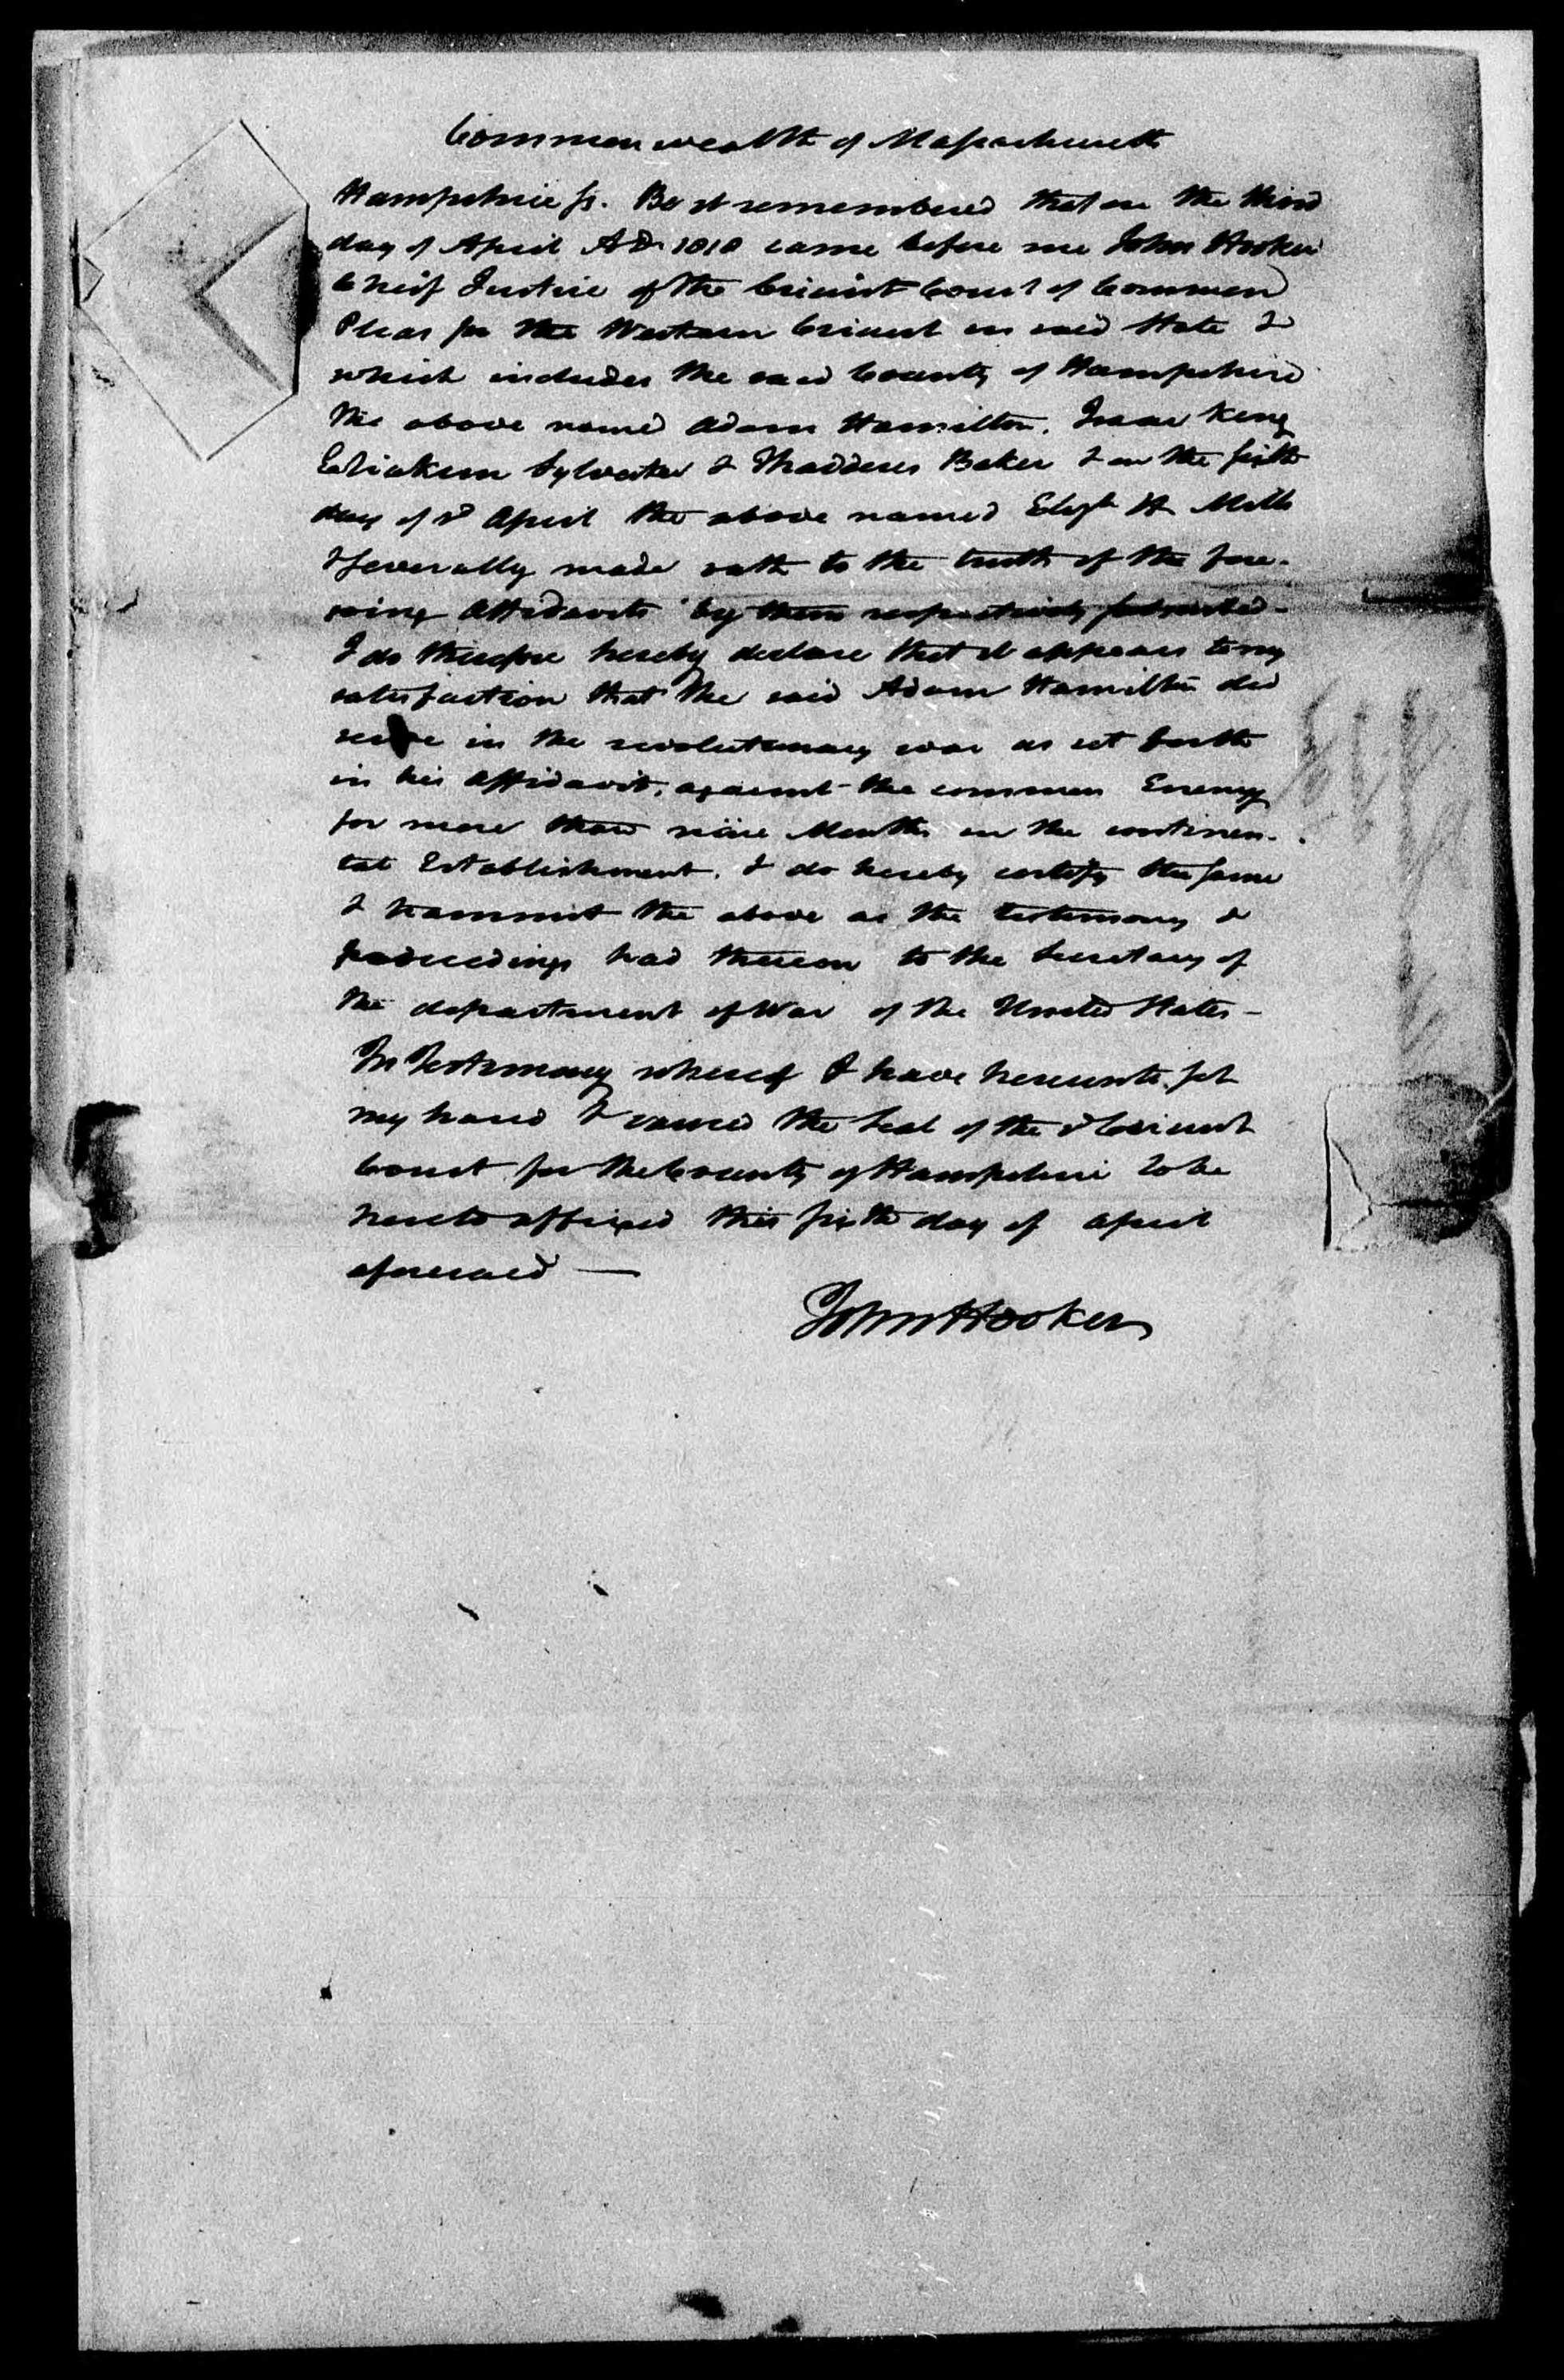Commonwealth of Massachusetts.
Hampshire ss.

   Be it remembered that on the third day of April AD 1812 came before me John Hooker Chief Justice of the Circuit Court of Common Pleas for the Western Circuit in said state which includes the said county of Hampshire, the above-named Adam Hamilton, Isaac King, Eliakim Sylvester & Thadeus Baker on the fifth day of April, the above-named Elijah H. Mills & personally made oath to the truth of the foregoing affidavit by them respectively provided - I do therefore hereby declare that it appears to my satisfaction that the said Adam Hamilton did serve in the revolutionary war as set forth in his affidavit, against the common enemy for more than six months in the continental establishment & I do hereby certify the same & transmit the above as the testimony of the proceedings had therein to the Secretary of the Department of War of the United States.
In testimony whereof I have hereunto set my hand & caused the seal of the Circuit Court of the county to be hereunto affixed this sixth day of April aforesaid. 

                                                     //s//
                                               Jhn Hooker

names: Eliakim Sylvester, Adam Hamilton, Isaac King, Thaddeus Baker, John Hooker, John Hooker, Elijh H Mills, Adam Hamilton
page: 7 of 12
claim: survivor's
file: S. 32796, Adam Hamilton, Penn.